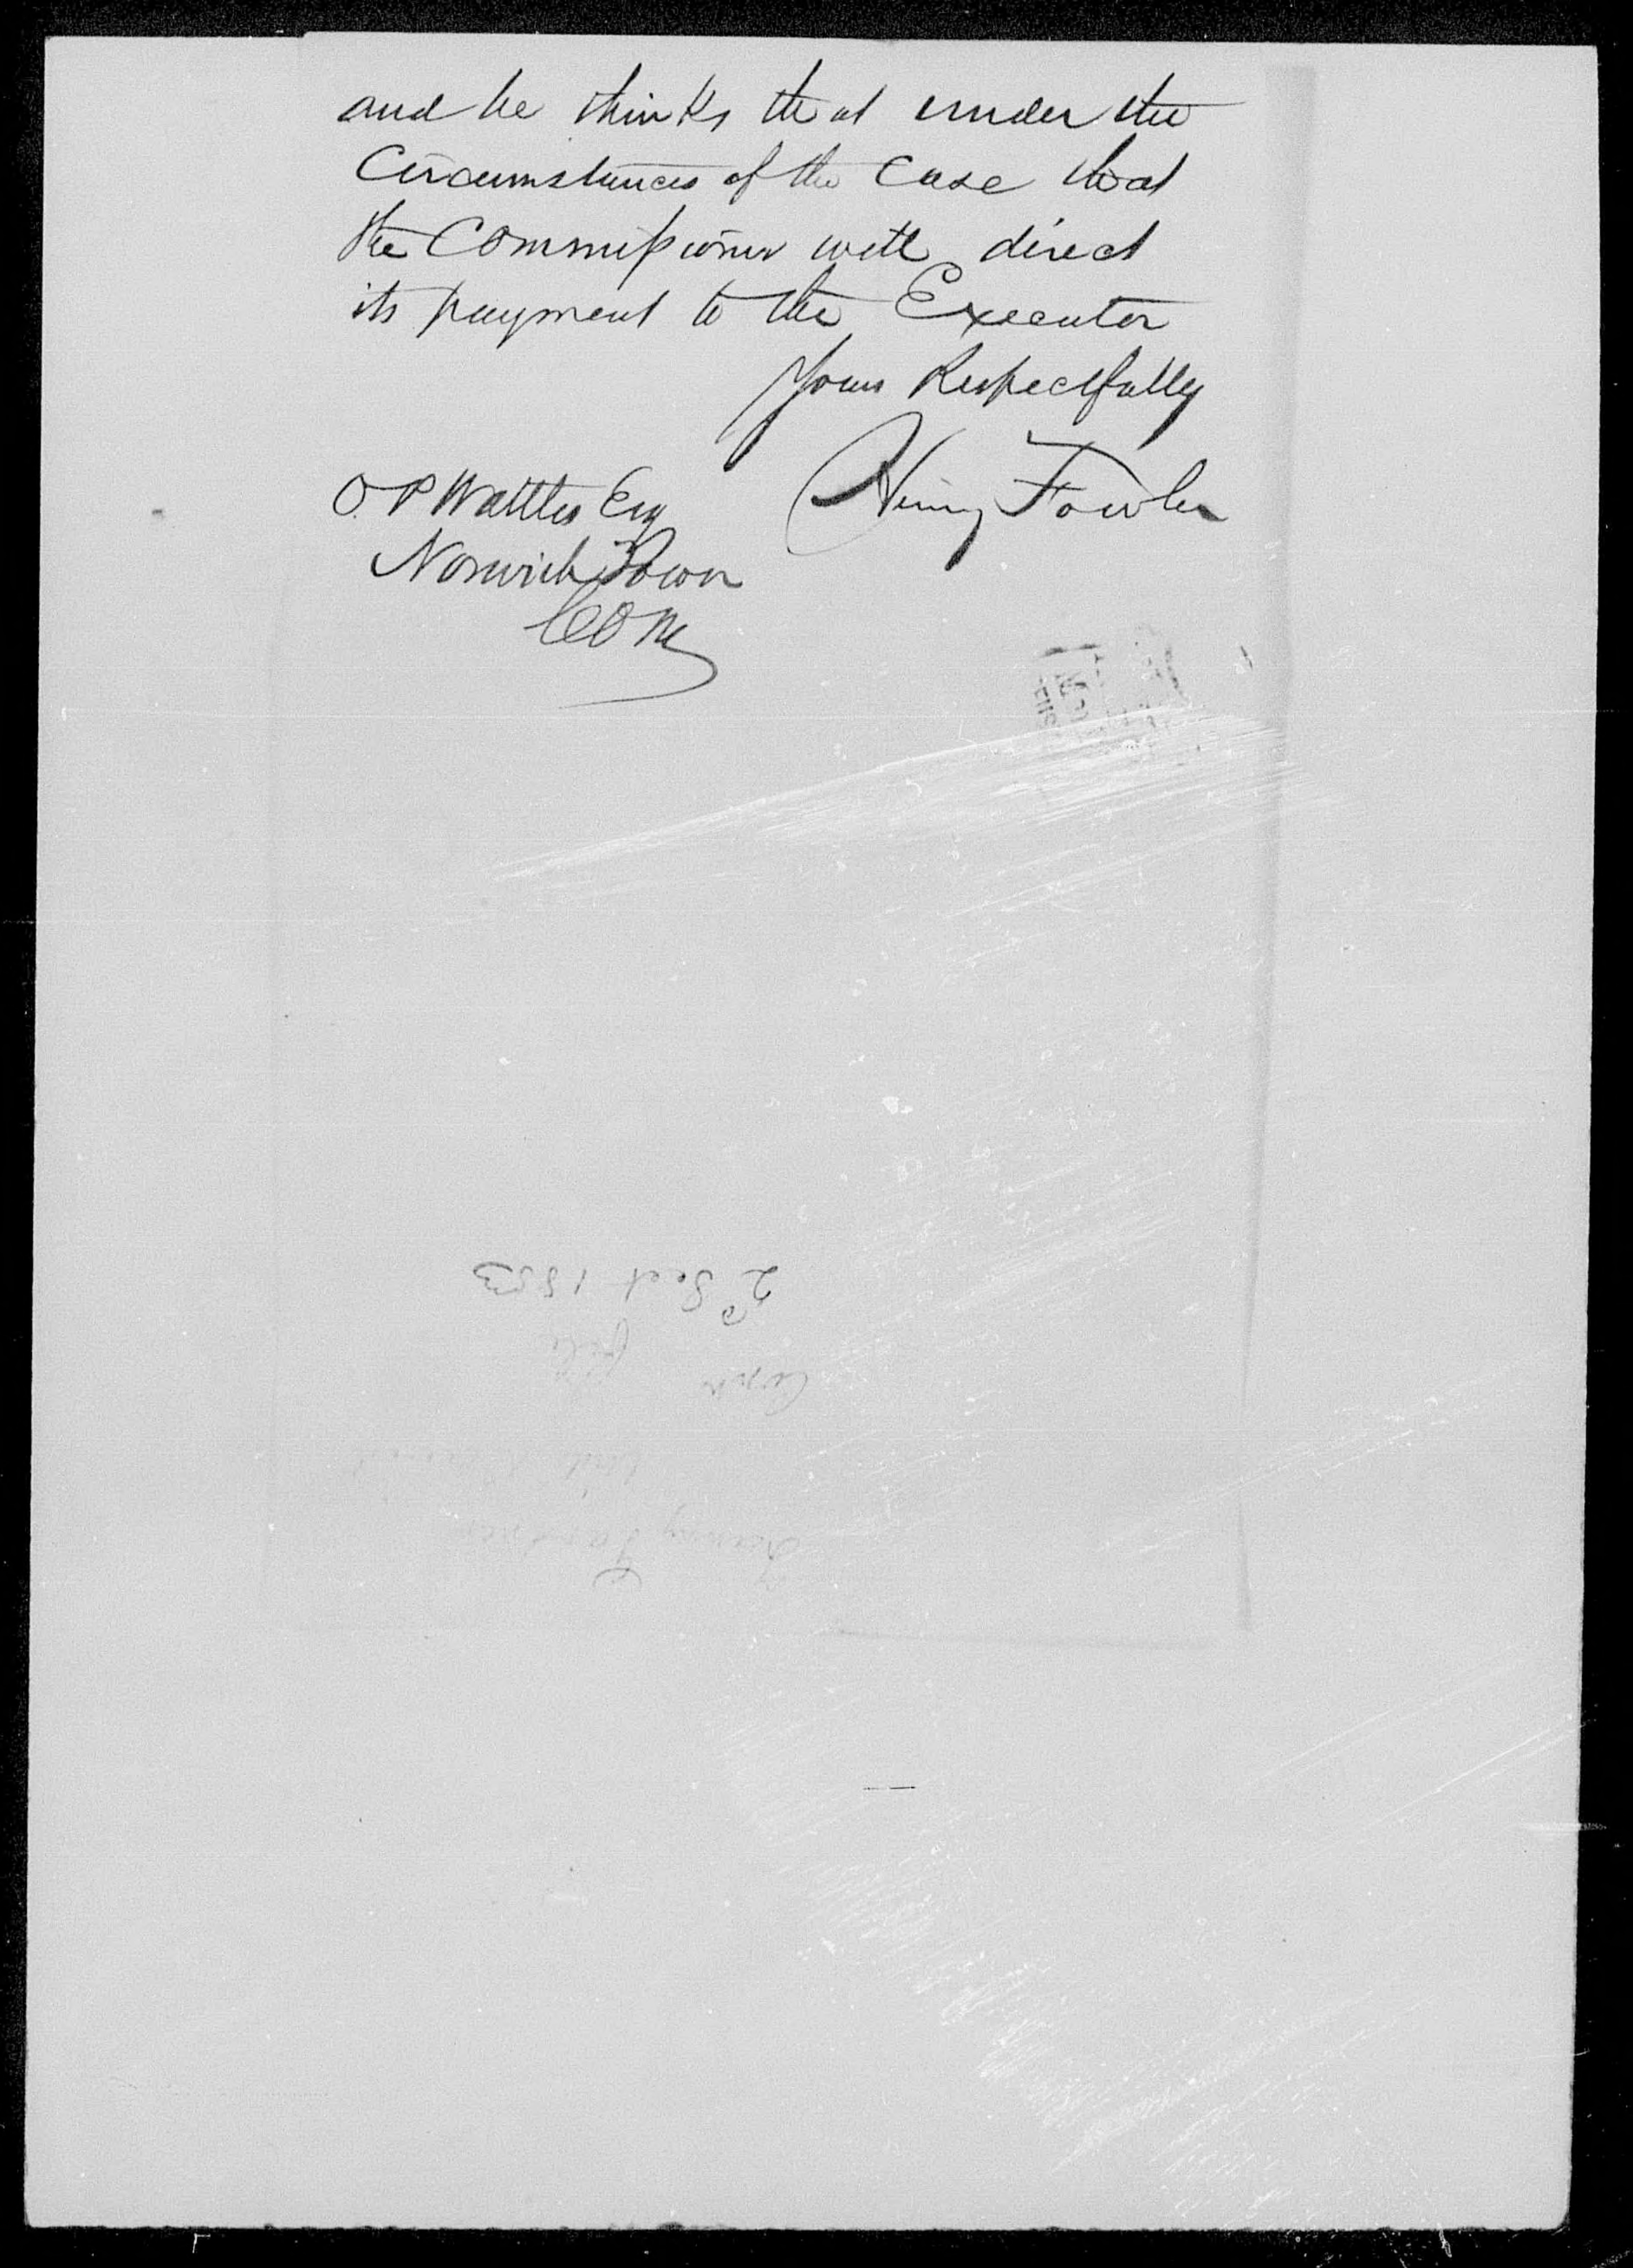and he thinks that under the 
circumstances of the case that
the commisioner will direct its payment to the Executor
Yours Respectfully
Henry Fowler

O P Wattles Esq
Norwich Town
Conn.

Fanny Gardiner
widow of David
Conn. 
File
2nd Sec 1853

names: Henry Fowler, O P Wattles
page: 63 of 66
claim: widow's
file: W 1850, David Gardner, Conn.